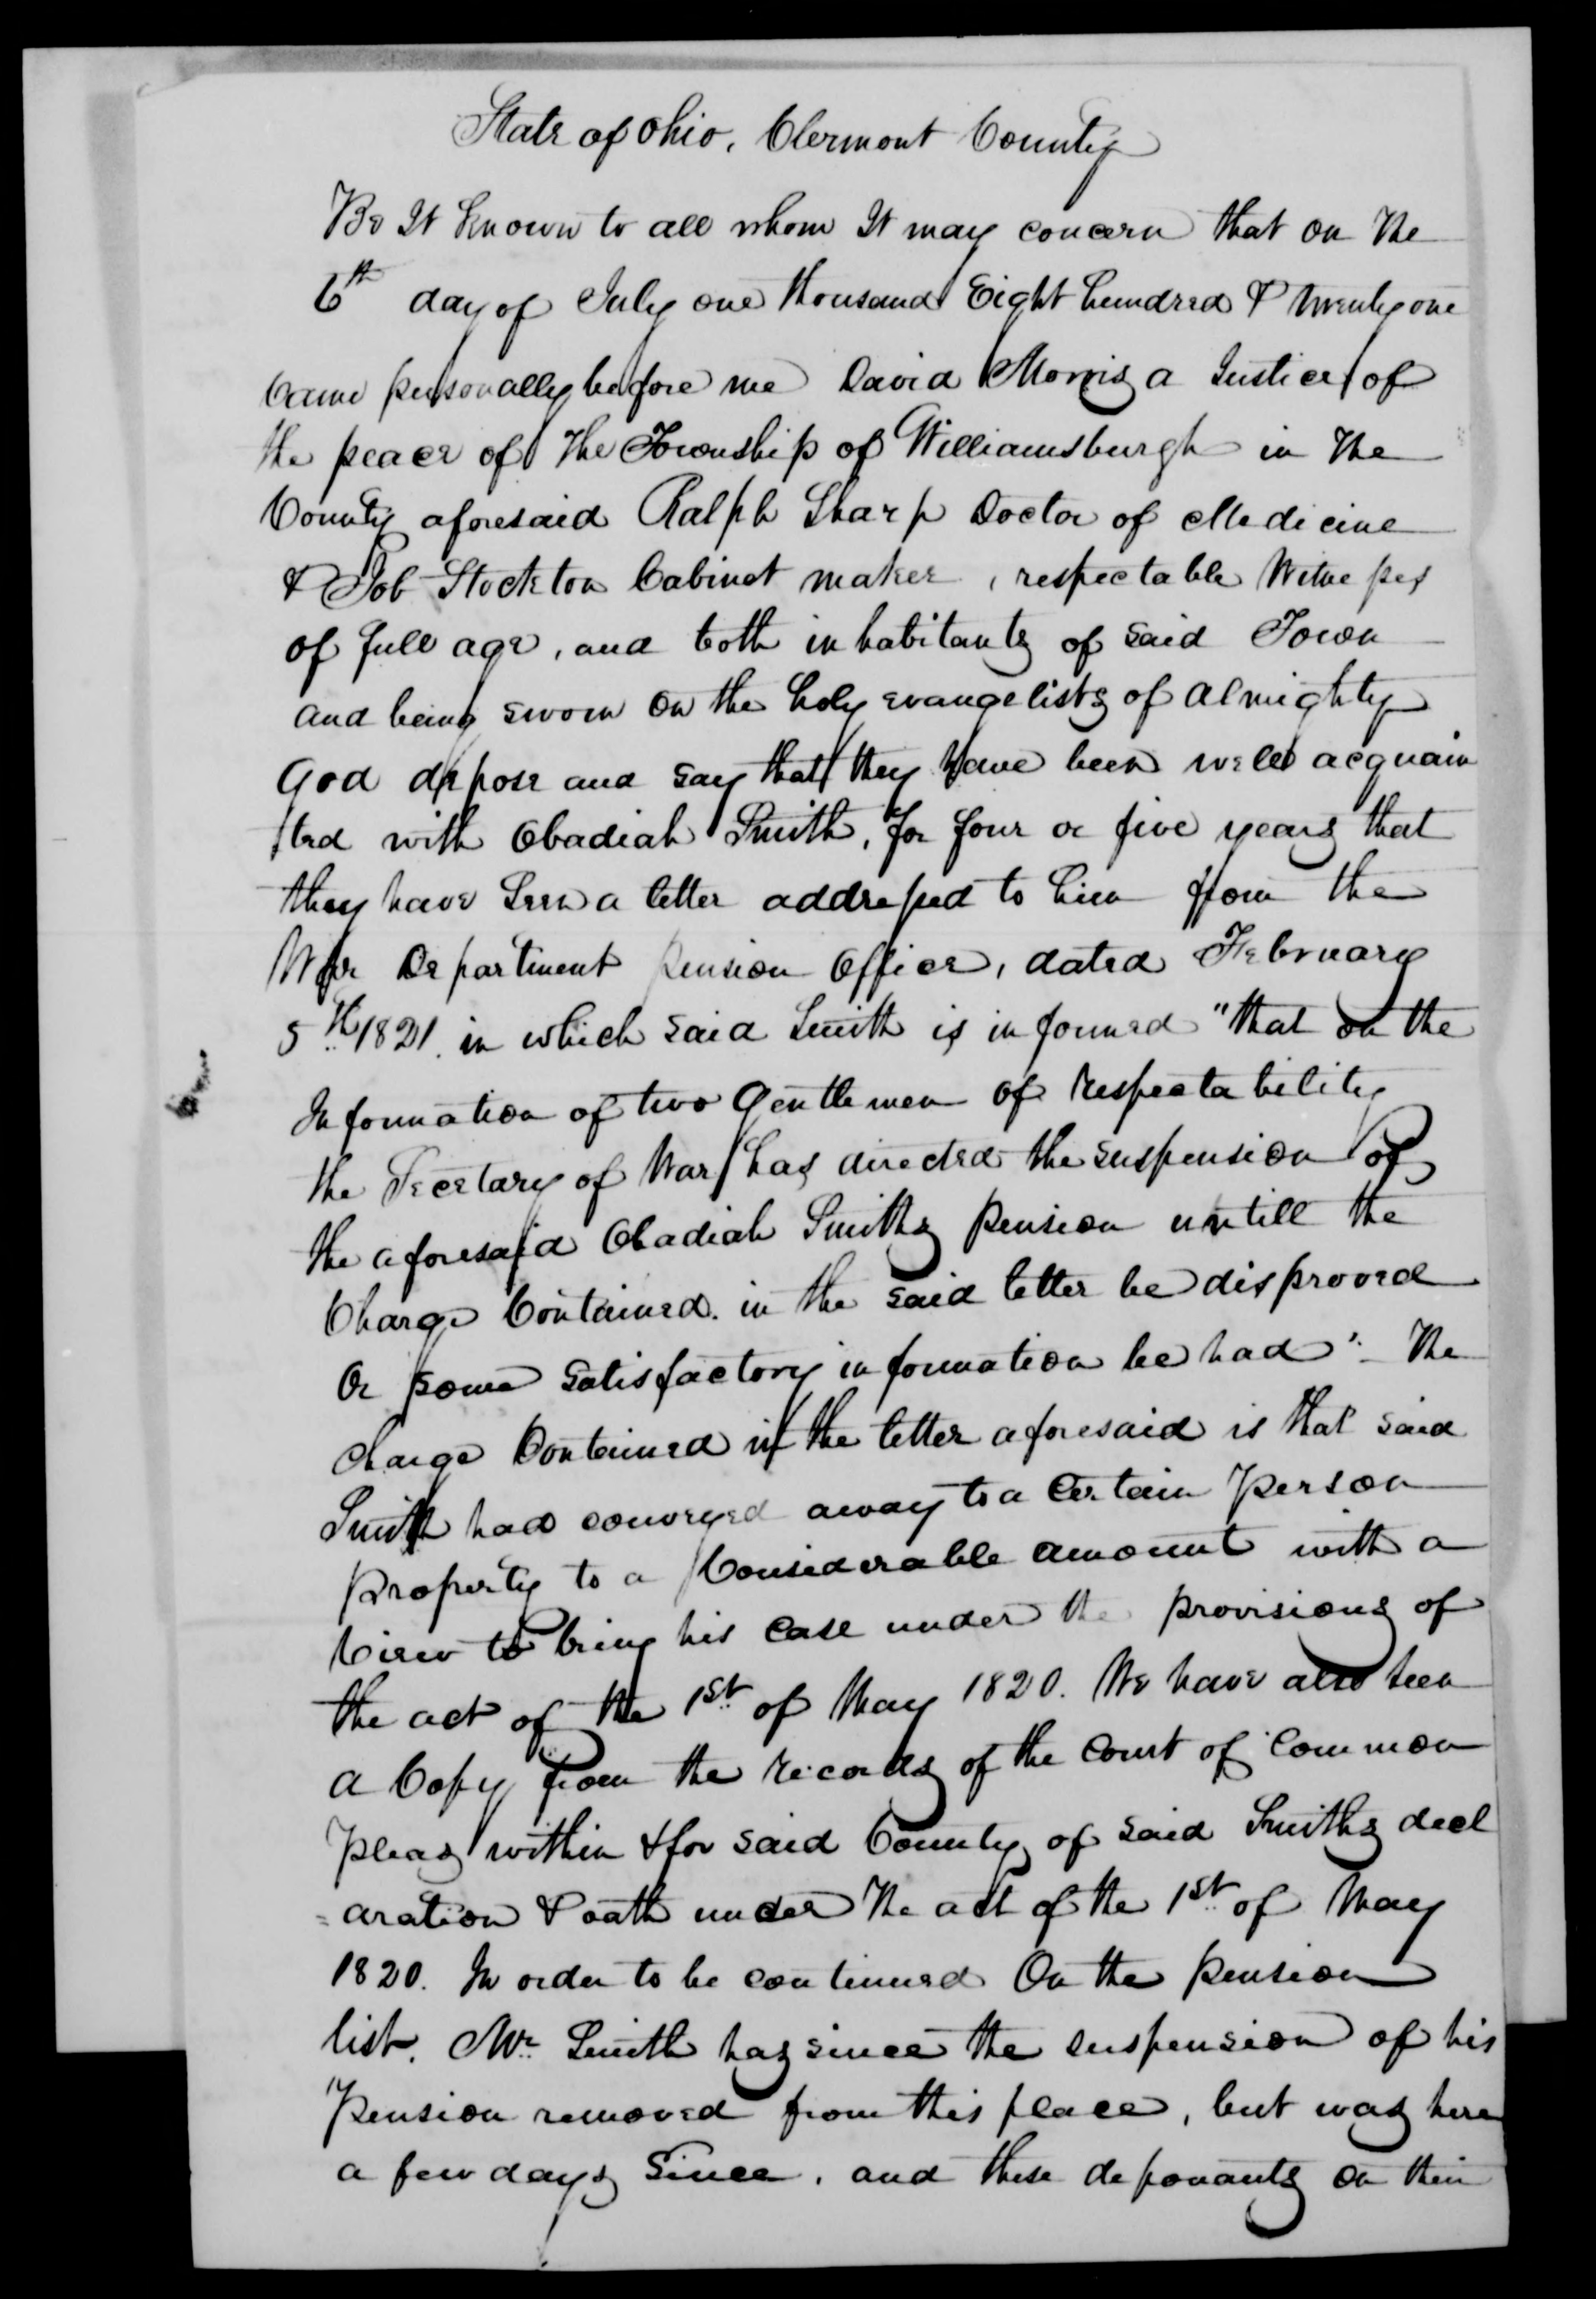State of Ohio, Clermont County 
Be It known to all whom It may concern that on the 6th day of July one thousand Eight hundred & twenty one came personally before me David Morris a Justice of the Peace of the Township of Williamsburgh in the County aforesaid Ralph Sharp Doctor of Medicine & Job Stockton Cabinet maker, respectable Witnesses of full age, and both inhabitants of said Town and being sworn on the holy evangelists of Almighty God depose and say that they have been well acquainted with Obadiah Smith for four or five years that they have seen a letter addressed to him from the War Department Pension Office, dated February 5th. 1821 in which said Smith is informed "that on the Information of two Gentlemen of respectability the Secretary of War has directed the suspension of the aforesaid Obadiah Smiths pension untill the Charge Continued in the said letter be disproved or some Satisfactory information be had" The charge Continued in the letter aforesaid is that said Smith had conveyed away to a Certain Person Property to a Considerable amount with a view to bring his case under the provisions of the act of the 1st of May 1820. We have also Seen a copy from the records of the Court of Common Pleas within & for said County of said Smiths declaration & oath under The act of the 1st of May 1820 In order to be continued On the pension list. Mr. Smith has since the suspension of his pension removed from this place, but was here a few days since and these deponents on their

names: Job Stockton; Obadiah Smiths; Obadiah Smith; David Morris; [BLANK] Smith; [BLANK] Smith; Ralph Sharp; [BLANK] Smith; [BLANK] Smiths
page: 59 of 66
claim: survivor's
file: S 40458, for Obadiah Smith, New York